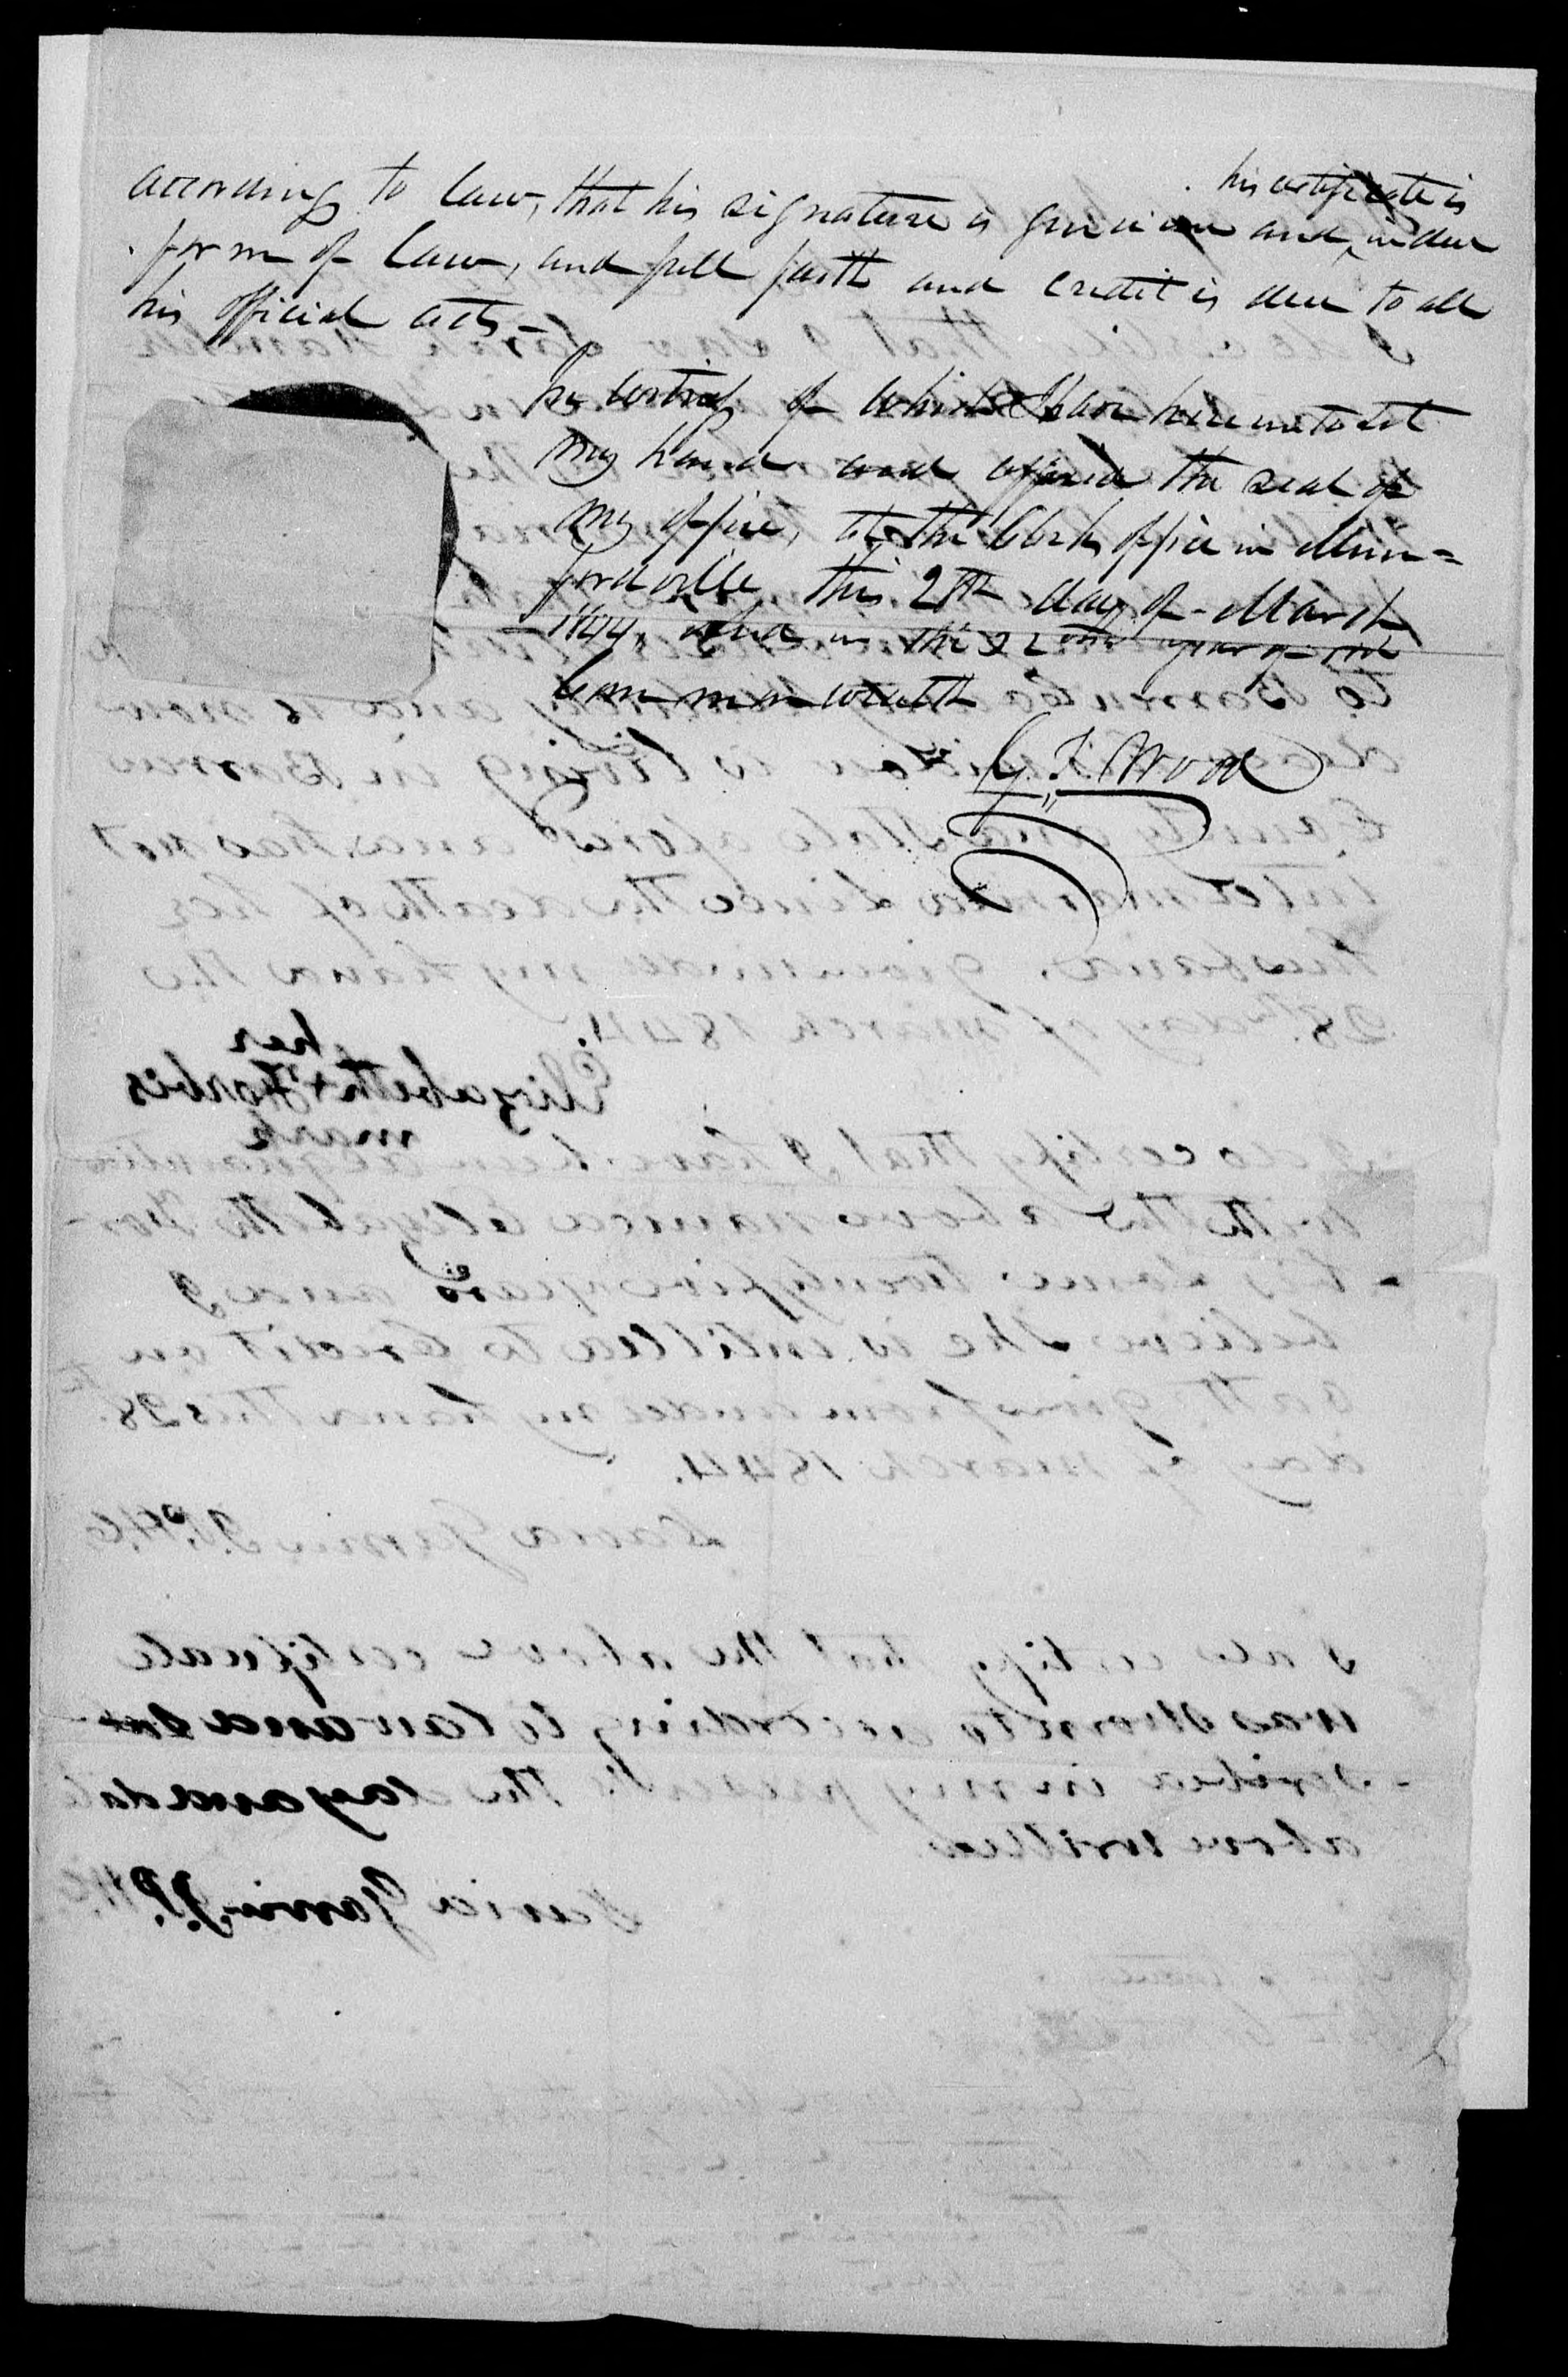according to law, that his signature is genuine and his certificate is under form of law, and full faith and credit is due to all his official acts.

{the next paragraph is mostly illegible, as there is bleed-through from the other side of the page}
... my hand and affix the seal of my office ...
this 28th day of March 1844 ....
G T Wood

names: G T Wood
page: 29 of 58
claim: widow's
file: W. 8932, John Hiser, Penn.